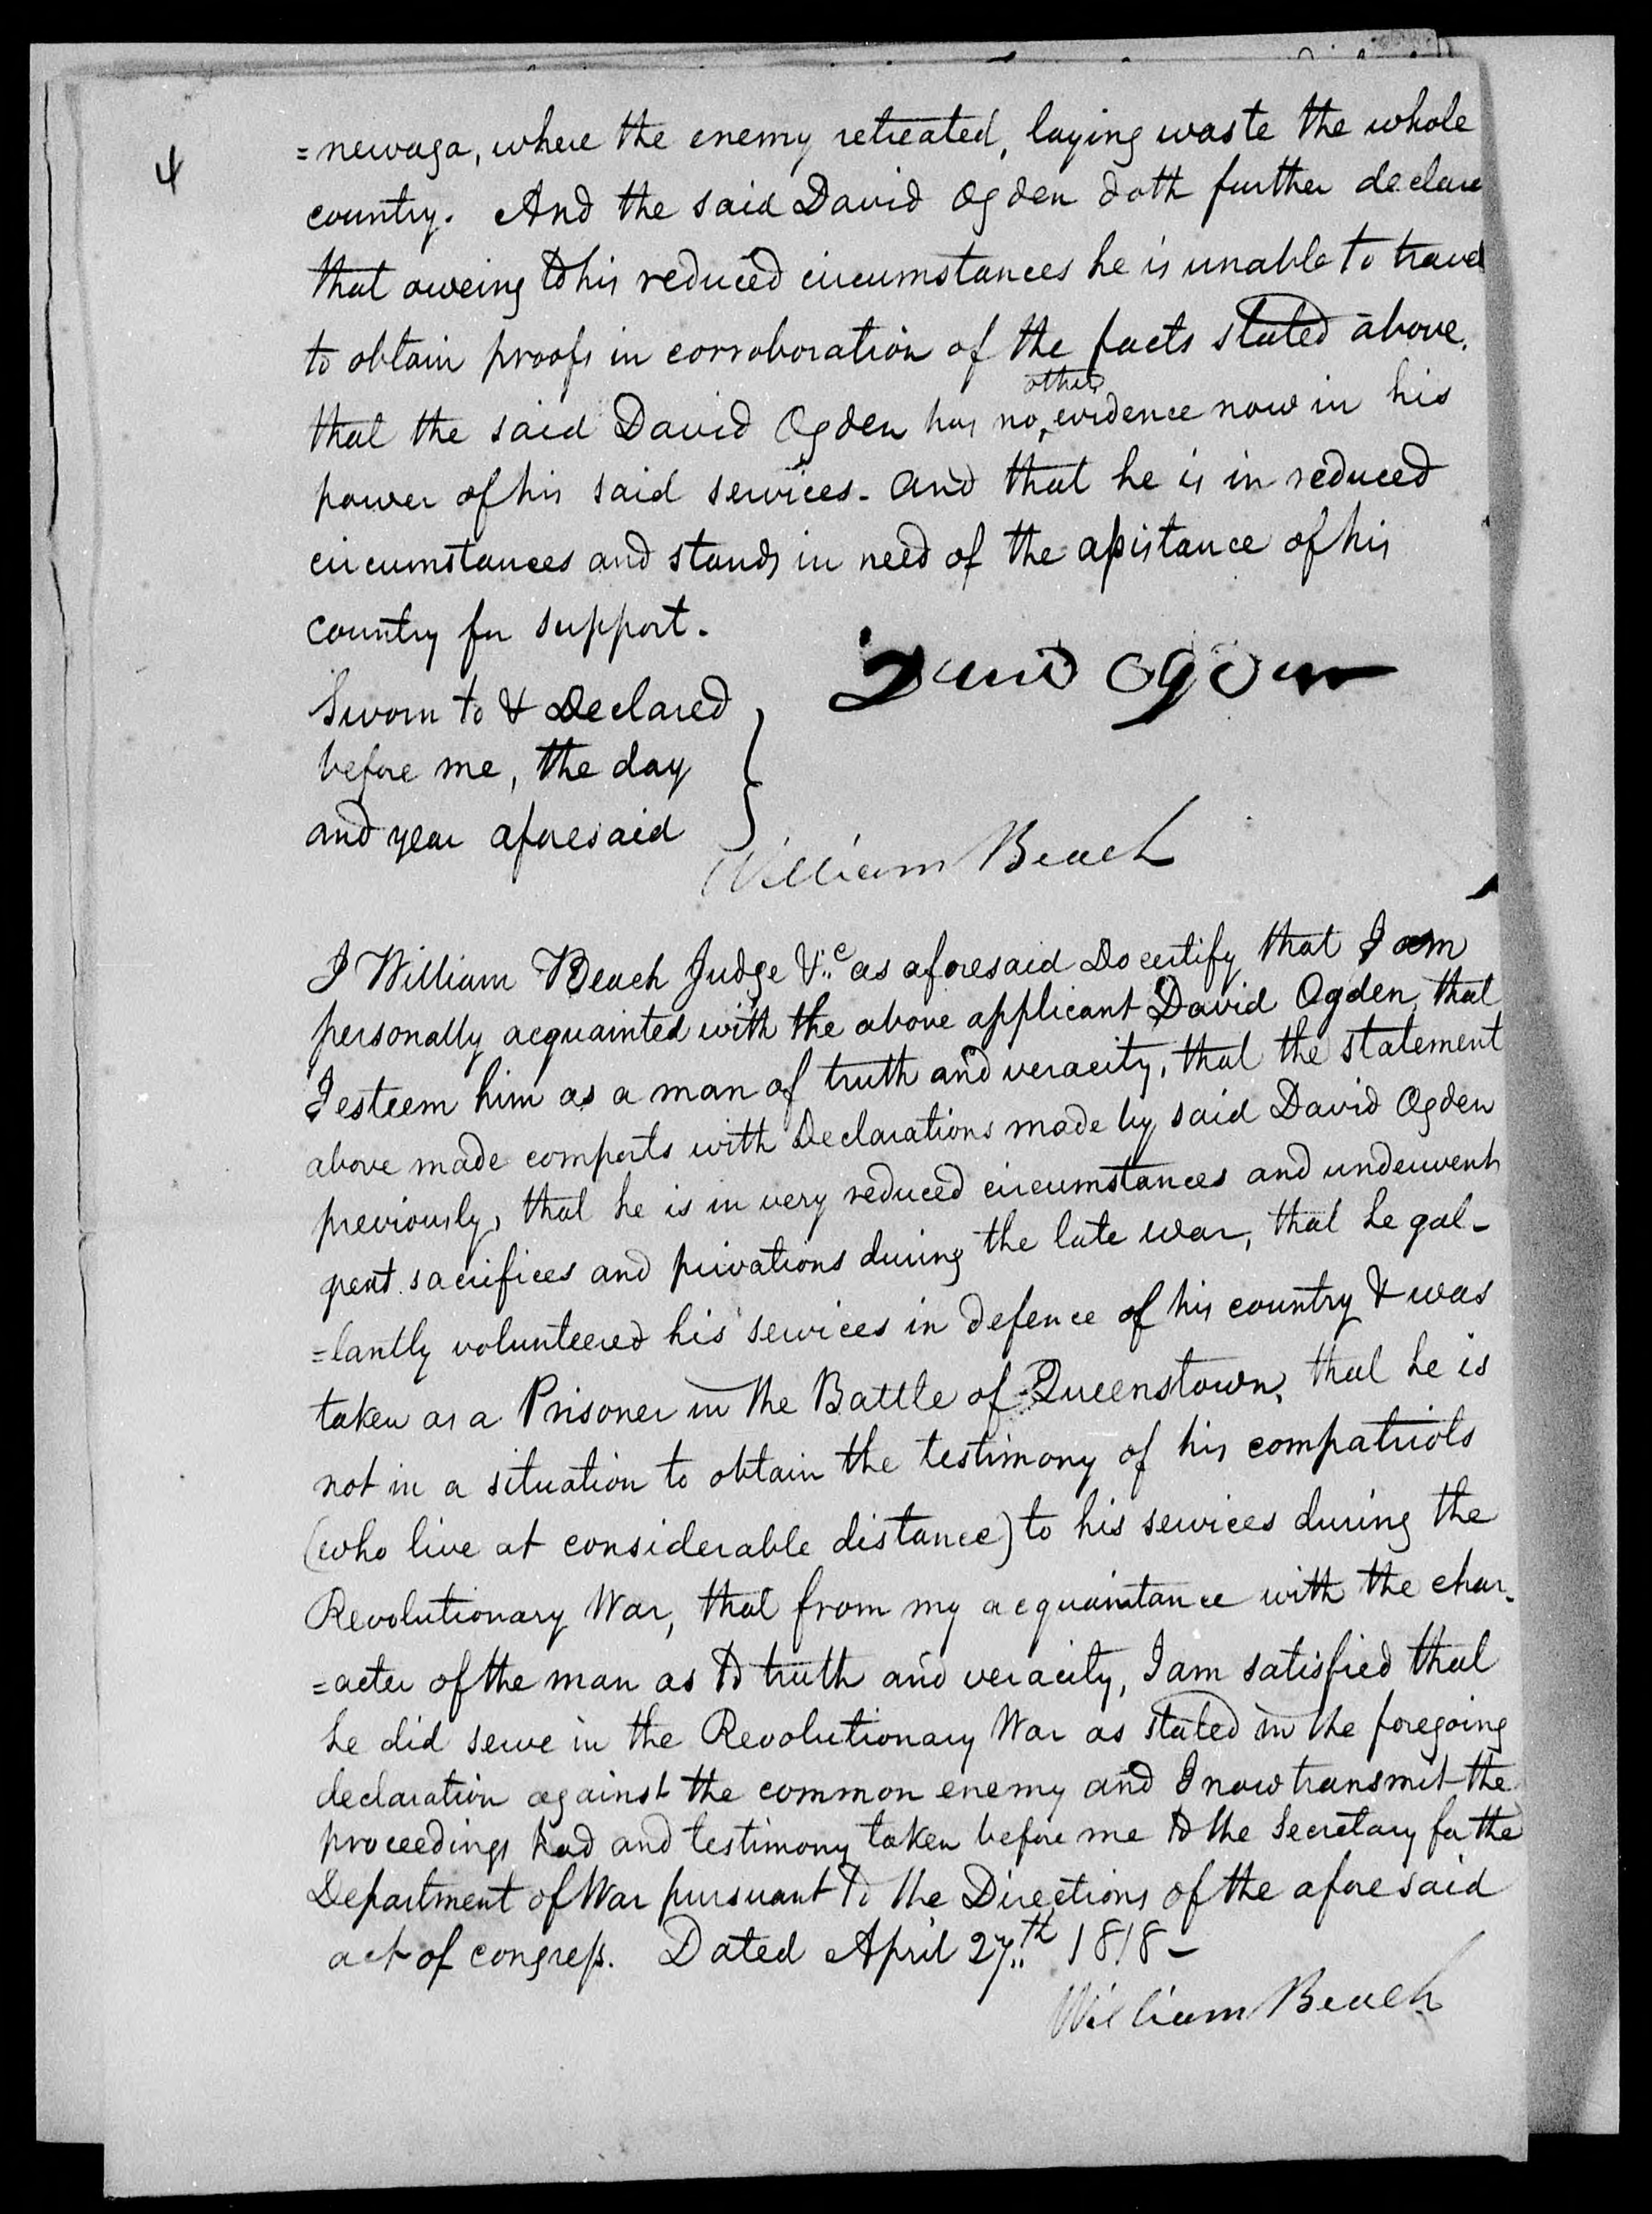4
=nawaga [Cananawaga], where the enemy retreated, laying waste the whole
country.  And the said David Ogden doth further declare
that oweing to his reduced circumstances he is unable to travel
to obtain proofs in corroboration of the facts stated above, 
that the said David Ogden has no ^other evidence now in his
power of his said services.  And that he is in reduced
circumstances and stands in need of the assistance of his
country for support.
David Ogden

Sworn to & declared}
before me, the day}
and year aforesaid}
William Beach

I William Beach Judge &c. as aforesaid do certify that I am
personally acquainted with the above applicant David Ogden, that
I esteem him as a man of truth and veracity, that the statement
above made comports with Declarations made by said David Ogden
previously, that he is in very reduced circumstances and underwent
great sacrifices and privations during the late war, that he
gallantly volunteered his services in defence of his country & was
taken as a Prisoner in the Battle of Queenstown, that he is
not in a situation to obtain the testimony of his compatriots
(who live at considerable distance) to his services during the
Revolutionary War, that from my acquaintance with the 
character of the man as to truth and veracity, I am satisfied that
he did serve in the Revolutionary War as stated in the foregoing
declaration against the common enemy and I now transmit the
proceedings had and testimony taken before me to the Secretary for the
Department of War pursuant to the Directions of the aforesaid
act of congress. Dated April 27th 1818-
William Beach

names: William Beach; David Ogden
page: 21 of 40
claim: widow's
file: W. 24364, for David Ogden, New York